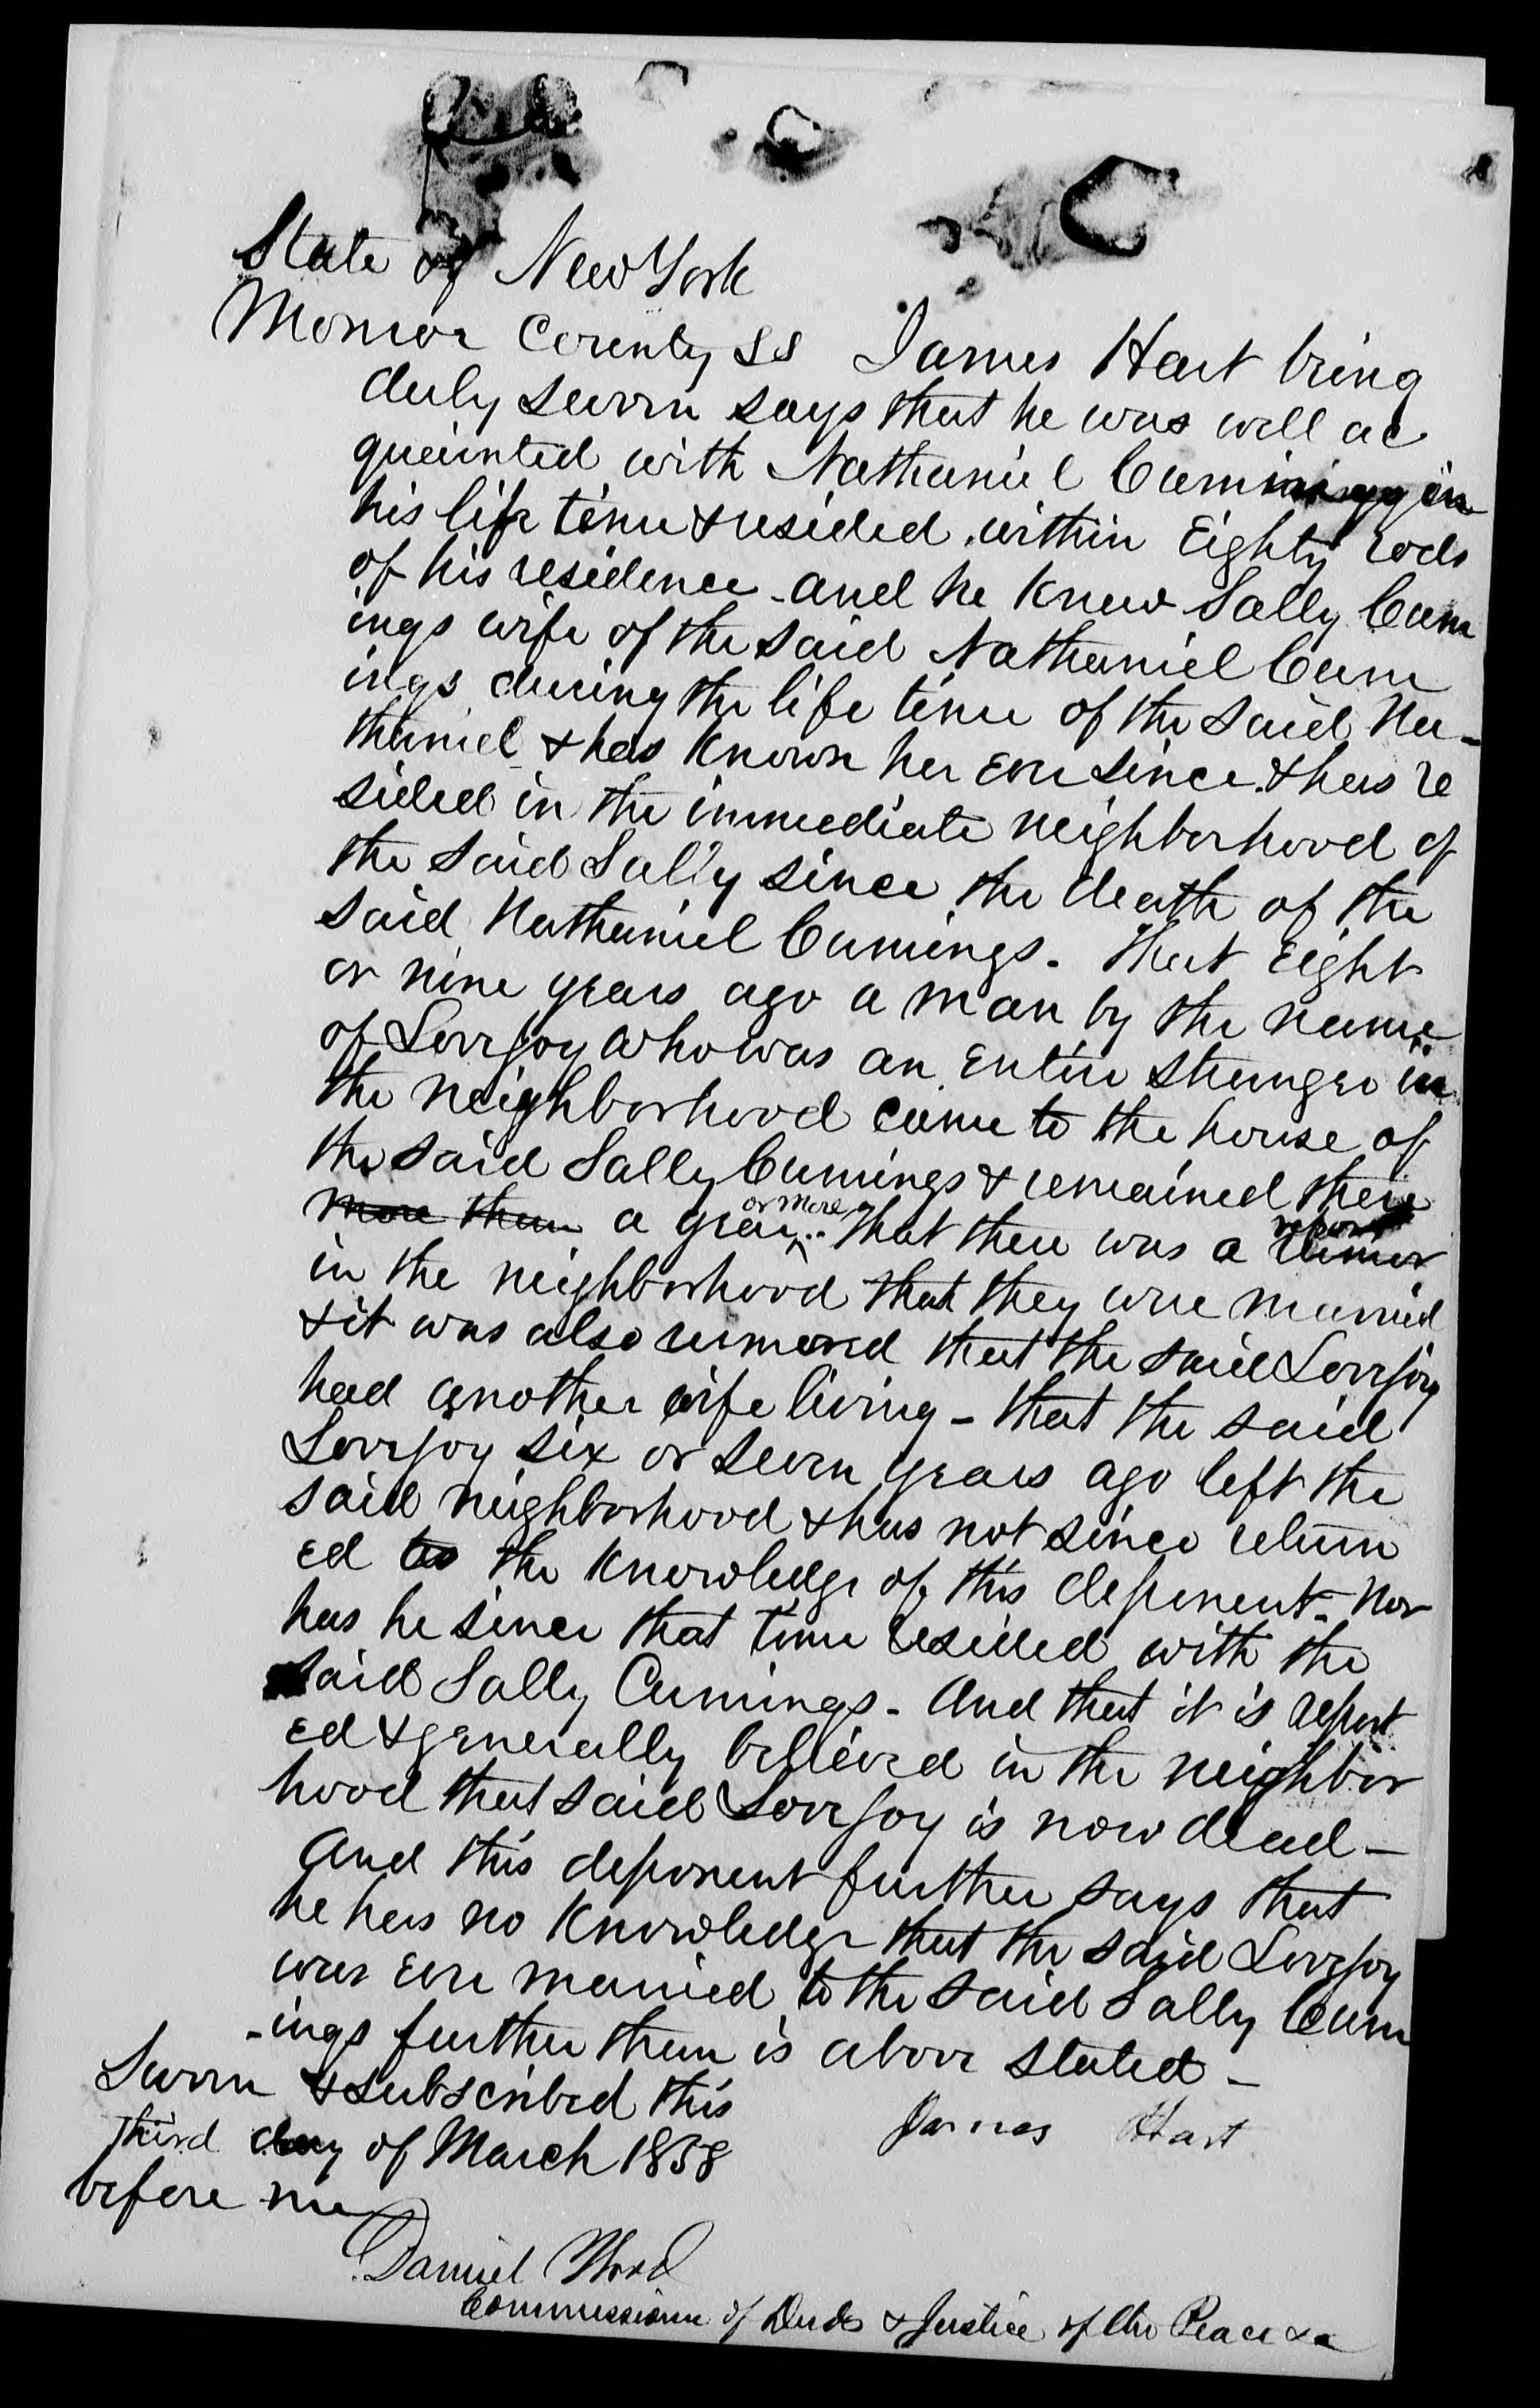State of New York
Monroe County ss
James Hart being
duly sworn says that he was well 
acquainted with Nathaniel Cumming in
his lifetime & resided within Eighty rods
of his residence and he knew Sally Cumings
 wife of the said Nathaniel Cumings
during the lifetime of the said 
Nathaniel & has known her ever since & has 
resided in the immediate neighborhood of
the said Sally since the death of the
said Nathaniel Cumings. That Eight
or nine years ago a man by the name of
Lovejoy who was an entire stranger in
the neighborhood came to the house of
the said Sally Cumings & remained there
a year or more. That there was newcomer
in the neighborhood that they were married
& it was also rumored that the said Lovejoy had
another wife living, that the said Lovejoy
 six or seven years ago left the
said neighborhood & has not since return
to the knowledge of this deponent, nor
has he since that time resided with the
said Sally Cumings. and that it is reported
and generally believed in the neighbor
hood that said Lovejoy is now dead
and this deponent further says that
he has no knowledge that the said Lovejoy
were married to the said Sally Cumings
 further there is above stated
Sworn & subscribed this
third day of March 1858
James Hart
Daniel Wood
commissioner of Deed Justice of the Peace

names: Sally Cumings, James Hart, Nathaniel Cumings, Nathaniel Cumings, Lovejoy, Lovejoy, Sally Cumings, Nathaniel, Sally Cumings, Lovejoy, Sally Cumings, Sally, James Hart, Lovejoy, Nathaniel Cumings, Lovejoy, Daniel Wood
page: 38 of 41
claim: widow's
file: W. 9819, Nathaniel Cumings, Vt.